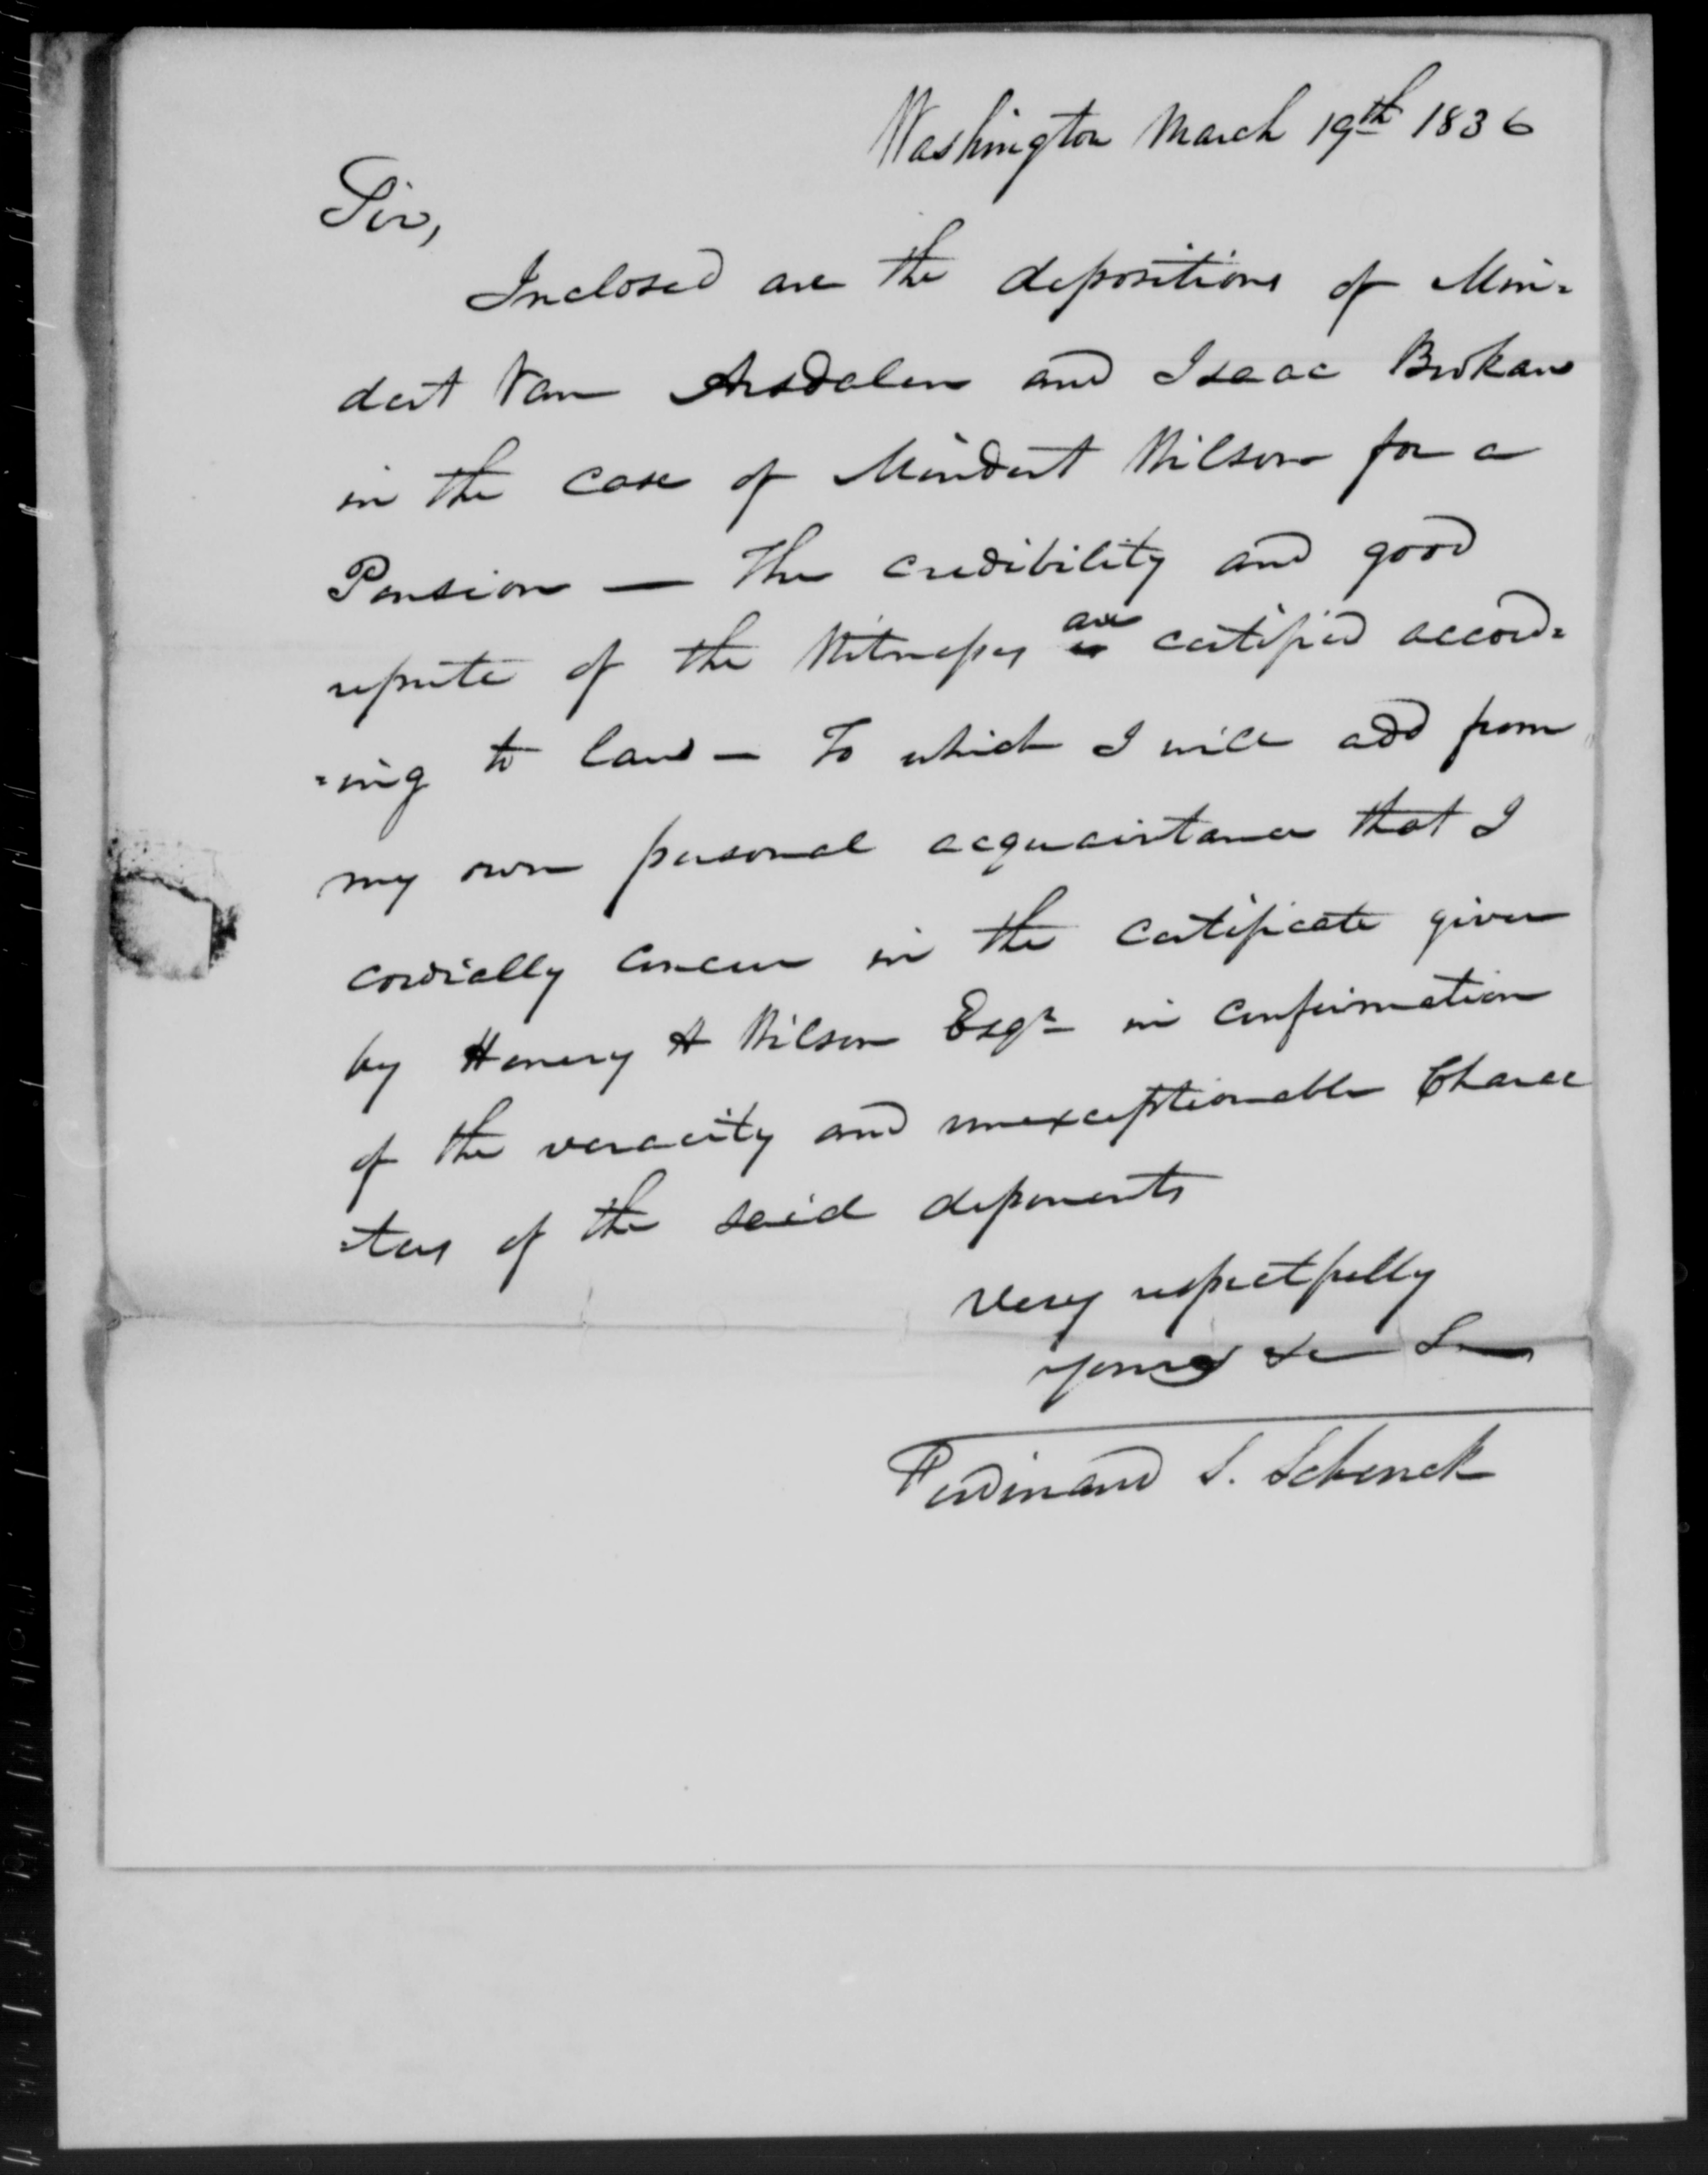Washington March 19th 1836

Sir,

Inclosed are the depositions of Mindert Van Arsdalen and Isaac Brokaw in the case of Mindert Wilson for a Pension -- The credibility and good repute of the Witnesses are certified according to law -- To which I will add from my own personal acquaintance that I cordially concur in the certificate given by Henry H Wilson Esq'r in confirmation of the veracity and unexceptionable characters of the said deponents

Very respectfully
Yours &c &c
Ferdinand S. Schenck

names: Isaac Brokaw, Mindert Van Arsdalen, Mindert Wilson, Henry H Wilson, Ferdinand S Schenck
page: 18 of 40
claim: survivor's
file: S. 3564, Mindart Wilson, New Jersey